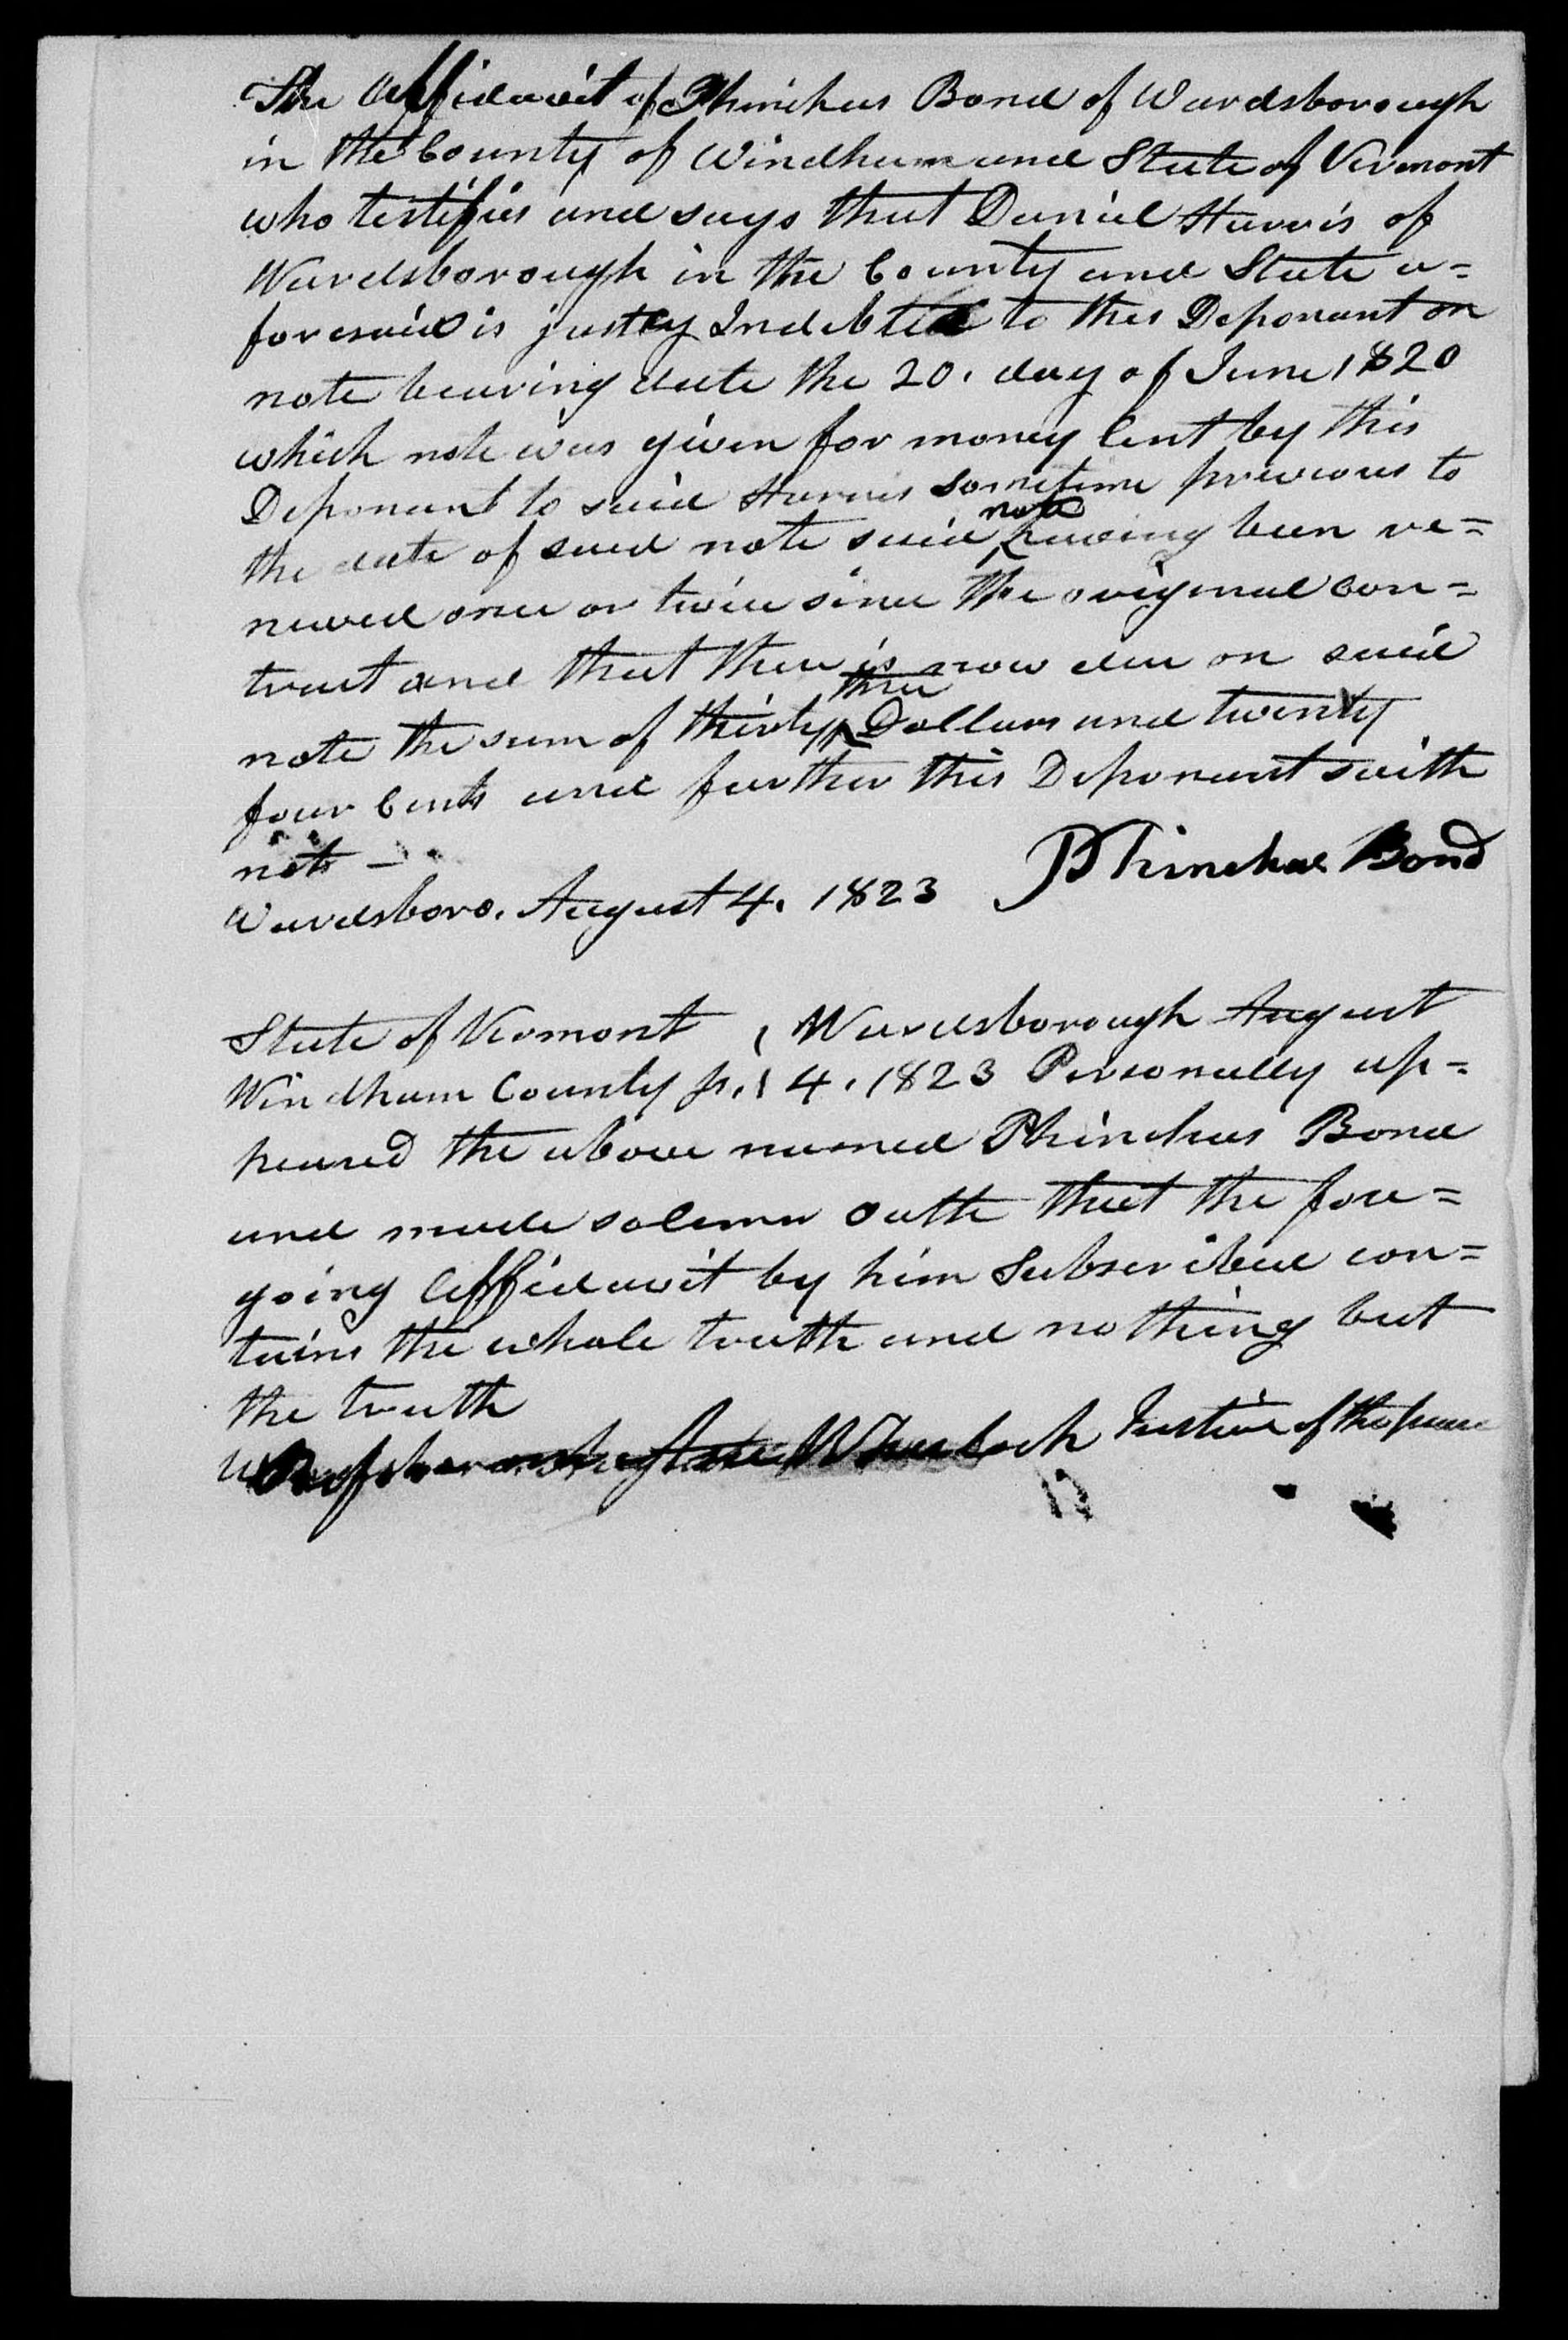The affidavit of Phinehas Bond of Wardsborough in the County of Windham and State of Vermont who testifies and says that Daniel Harris of Wardsborough in the County and State aforesaid is justly Indebted to this Deponent on note bearing data the 20 day of June 1820 which note was given for money lent by this Deponent to said Harris sometime previous to the date of said not said not having been renewed once or twice since the original contract and that there is now (?) on said not the sum of thirty three Dollars and twenty four Cents and further this Deponent with  not. 
Wardsboro, August 4, 1823  Signature of Phinehas Bond

State of Vermont
Windham County ss. 
Wardsborough August 14, 1823 Personally appeared the above named Phinehas Bond and made solemn oath that the foregoing affidavit by him subscribed contains the whole truth and nothing but the truth

Before me Signature of Asa Wheelock Justice of the Peace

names: Harris, Phinehas Bond, Phinehas Bond, Phinehas Bond, Daniel Harris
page: 55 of 68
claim: survivor's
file: S. 29,877, Daniel Harris, Mass.